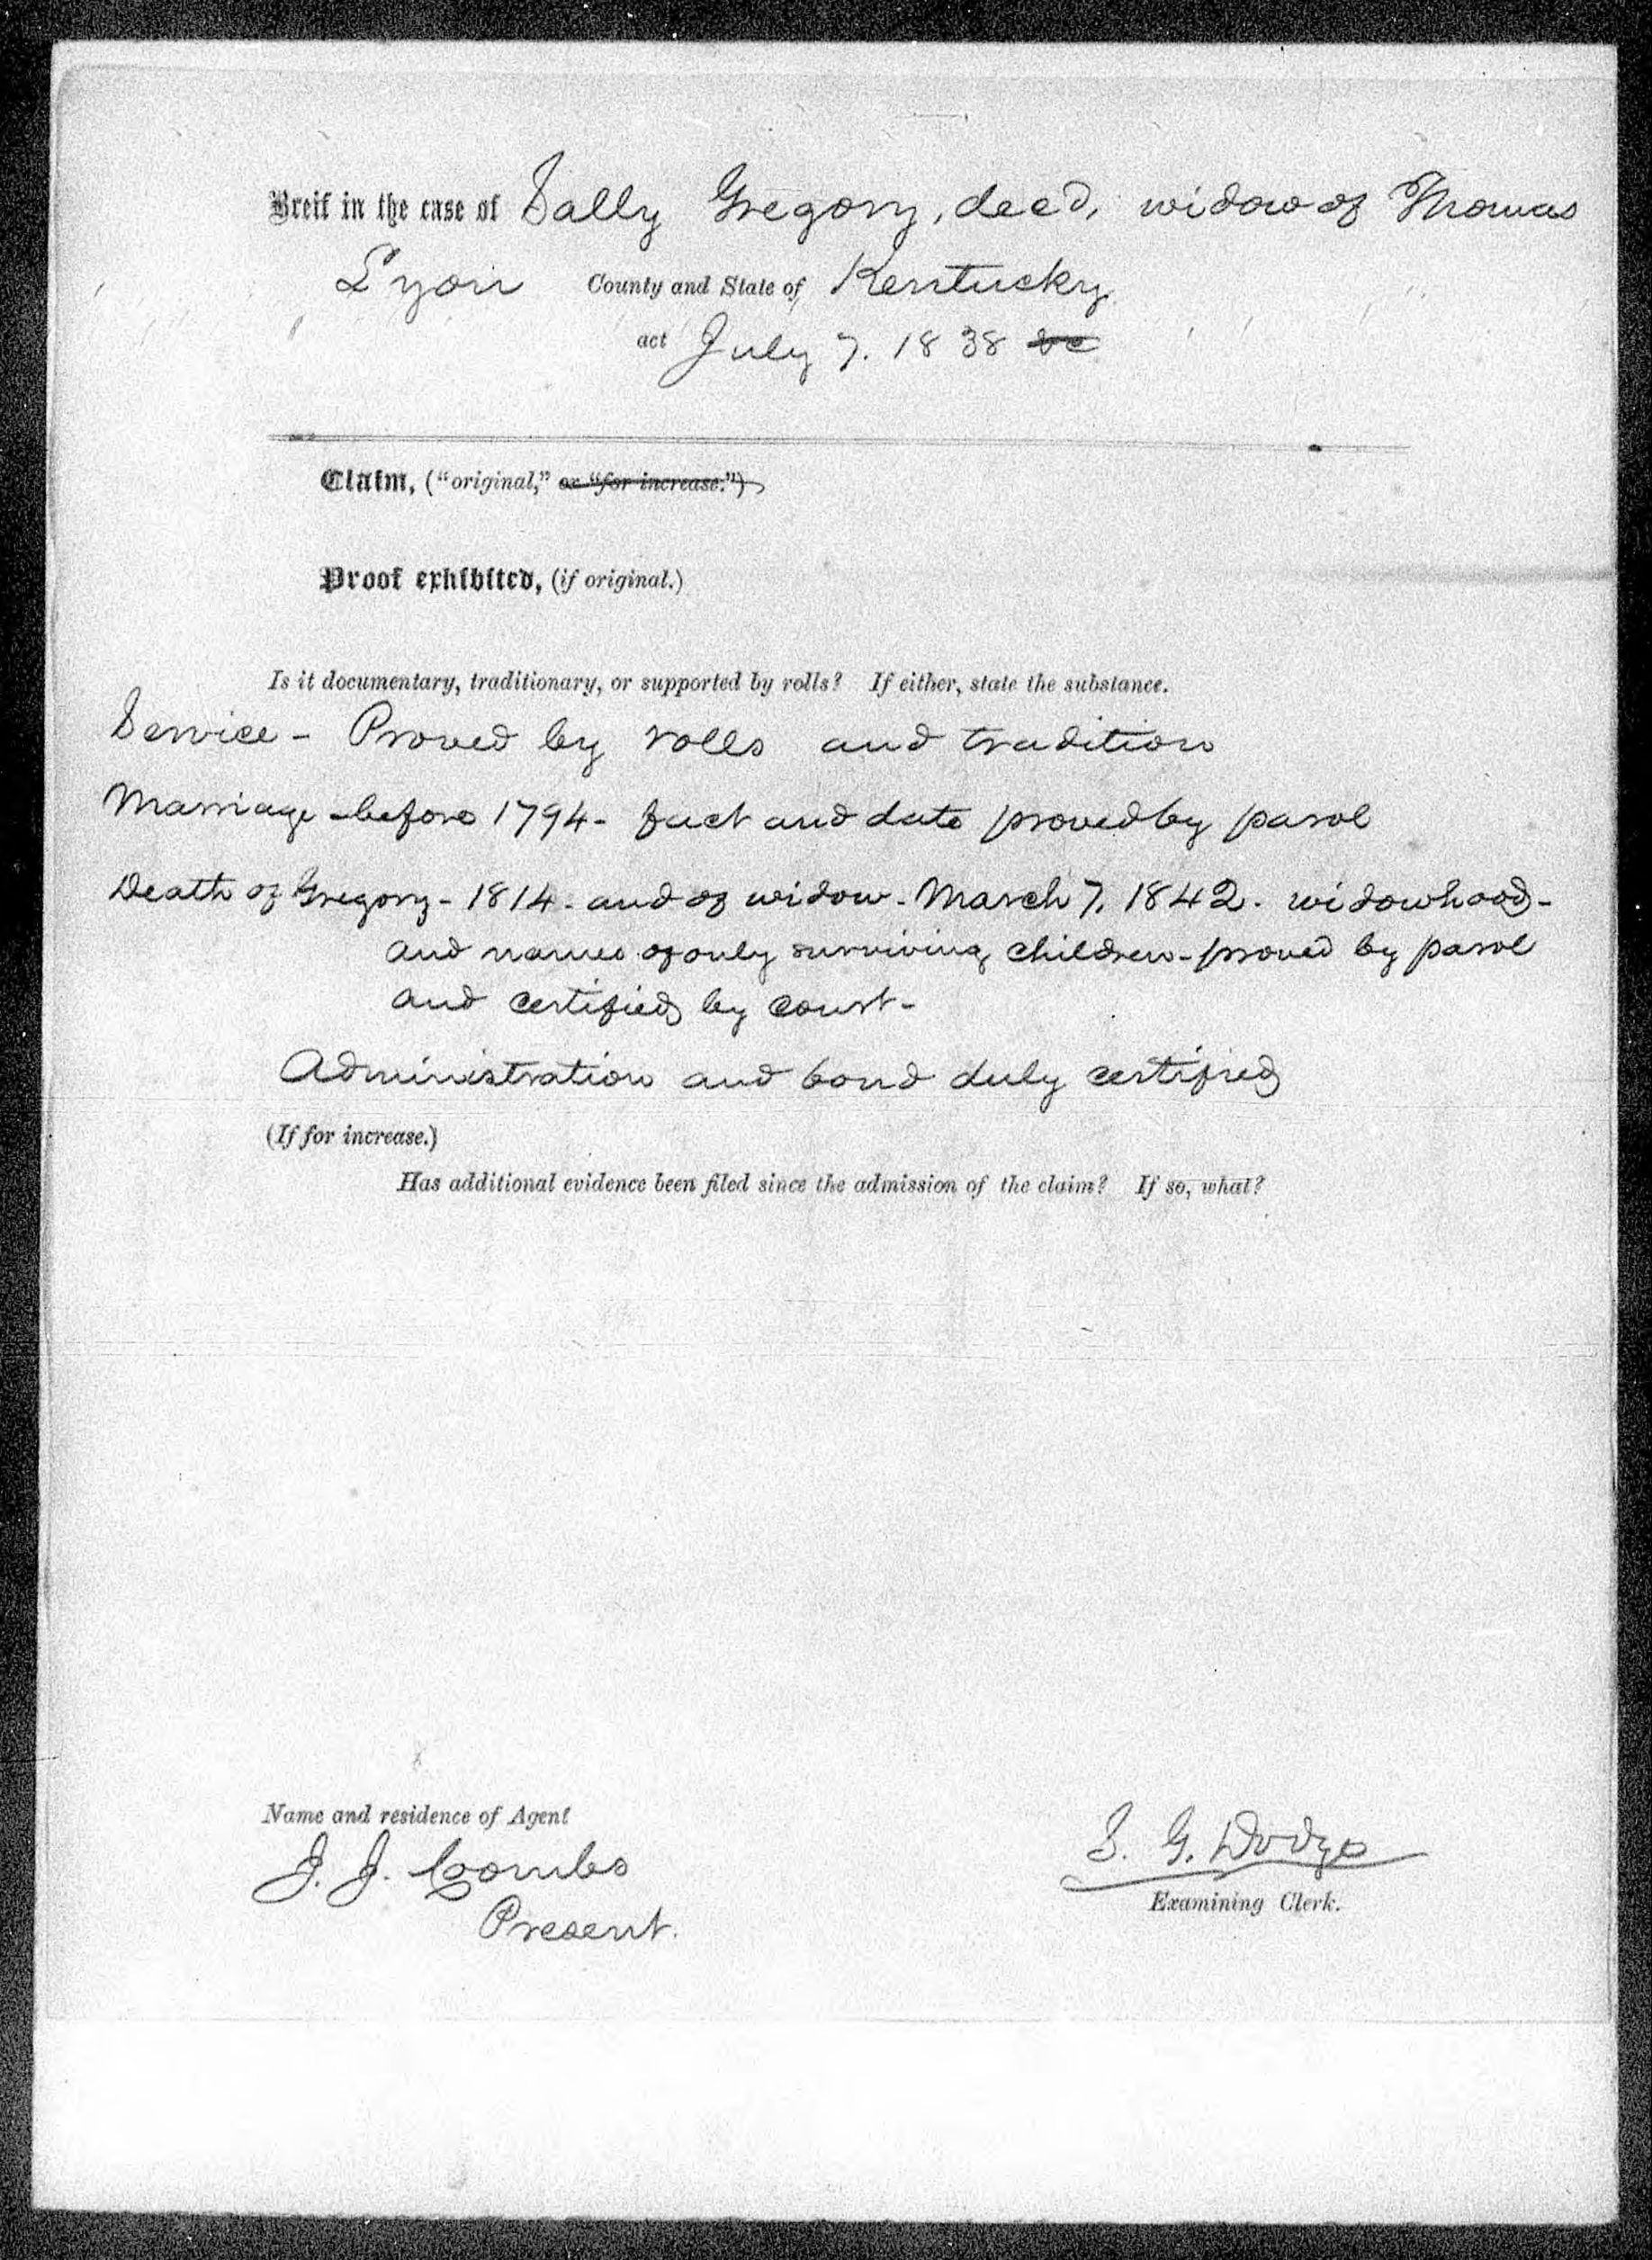Breif in the case of Sally Gregory deed,widow of Thomas 
Lyon County and State of Kentucky
act July 7. 1838 [crossed out: &c.]

_______________
Claim, ("original," [crossed out:  or "for "increase."]
Proof exhibited, (if original.)

Is it documentary, traditionary, or supported by rolls? If either, state the substance.
Service - Proved by rolls and tradition 
Marriage before 1794-fact and date proved by Parol
Death of Gregory- 1814 and of widow - March 7. 1842. widowhood - and names of only surviving children by parol and certified by court.

 Administration and bond duly certified
(If for increase.)
Has additional evidence been filed since the admission of the claim? If so, what?

Name and residence of Agent
J. J. Combs
Present

S. G. Dodge
Examining Clerk.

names: Gregory, Sally Gregory, J J Coombs, Thomas Gregory, S G Dodge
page: 20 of 75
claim: widow's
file: W. 8876, Thomas Gregory, Continental Va